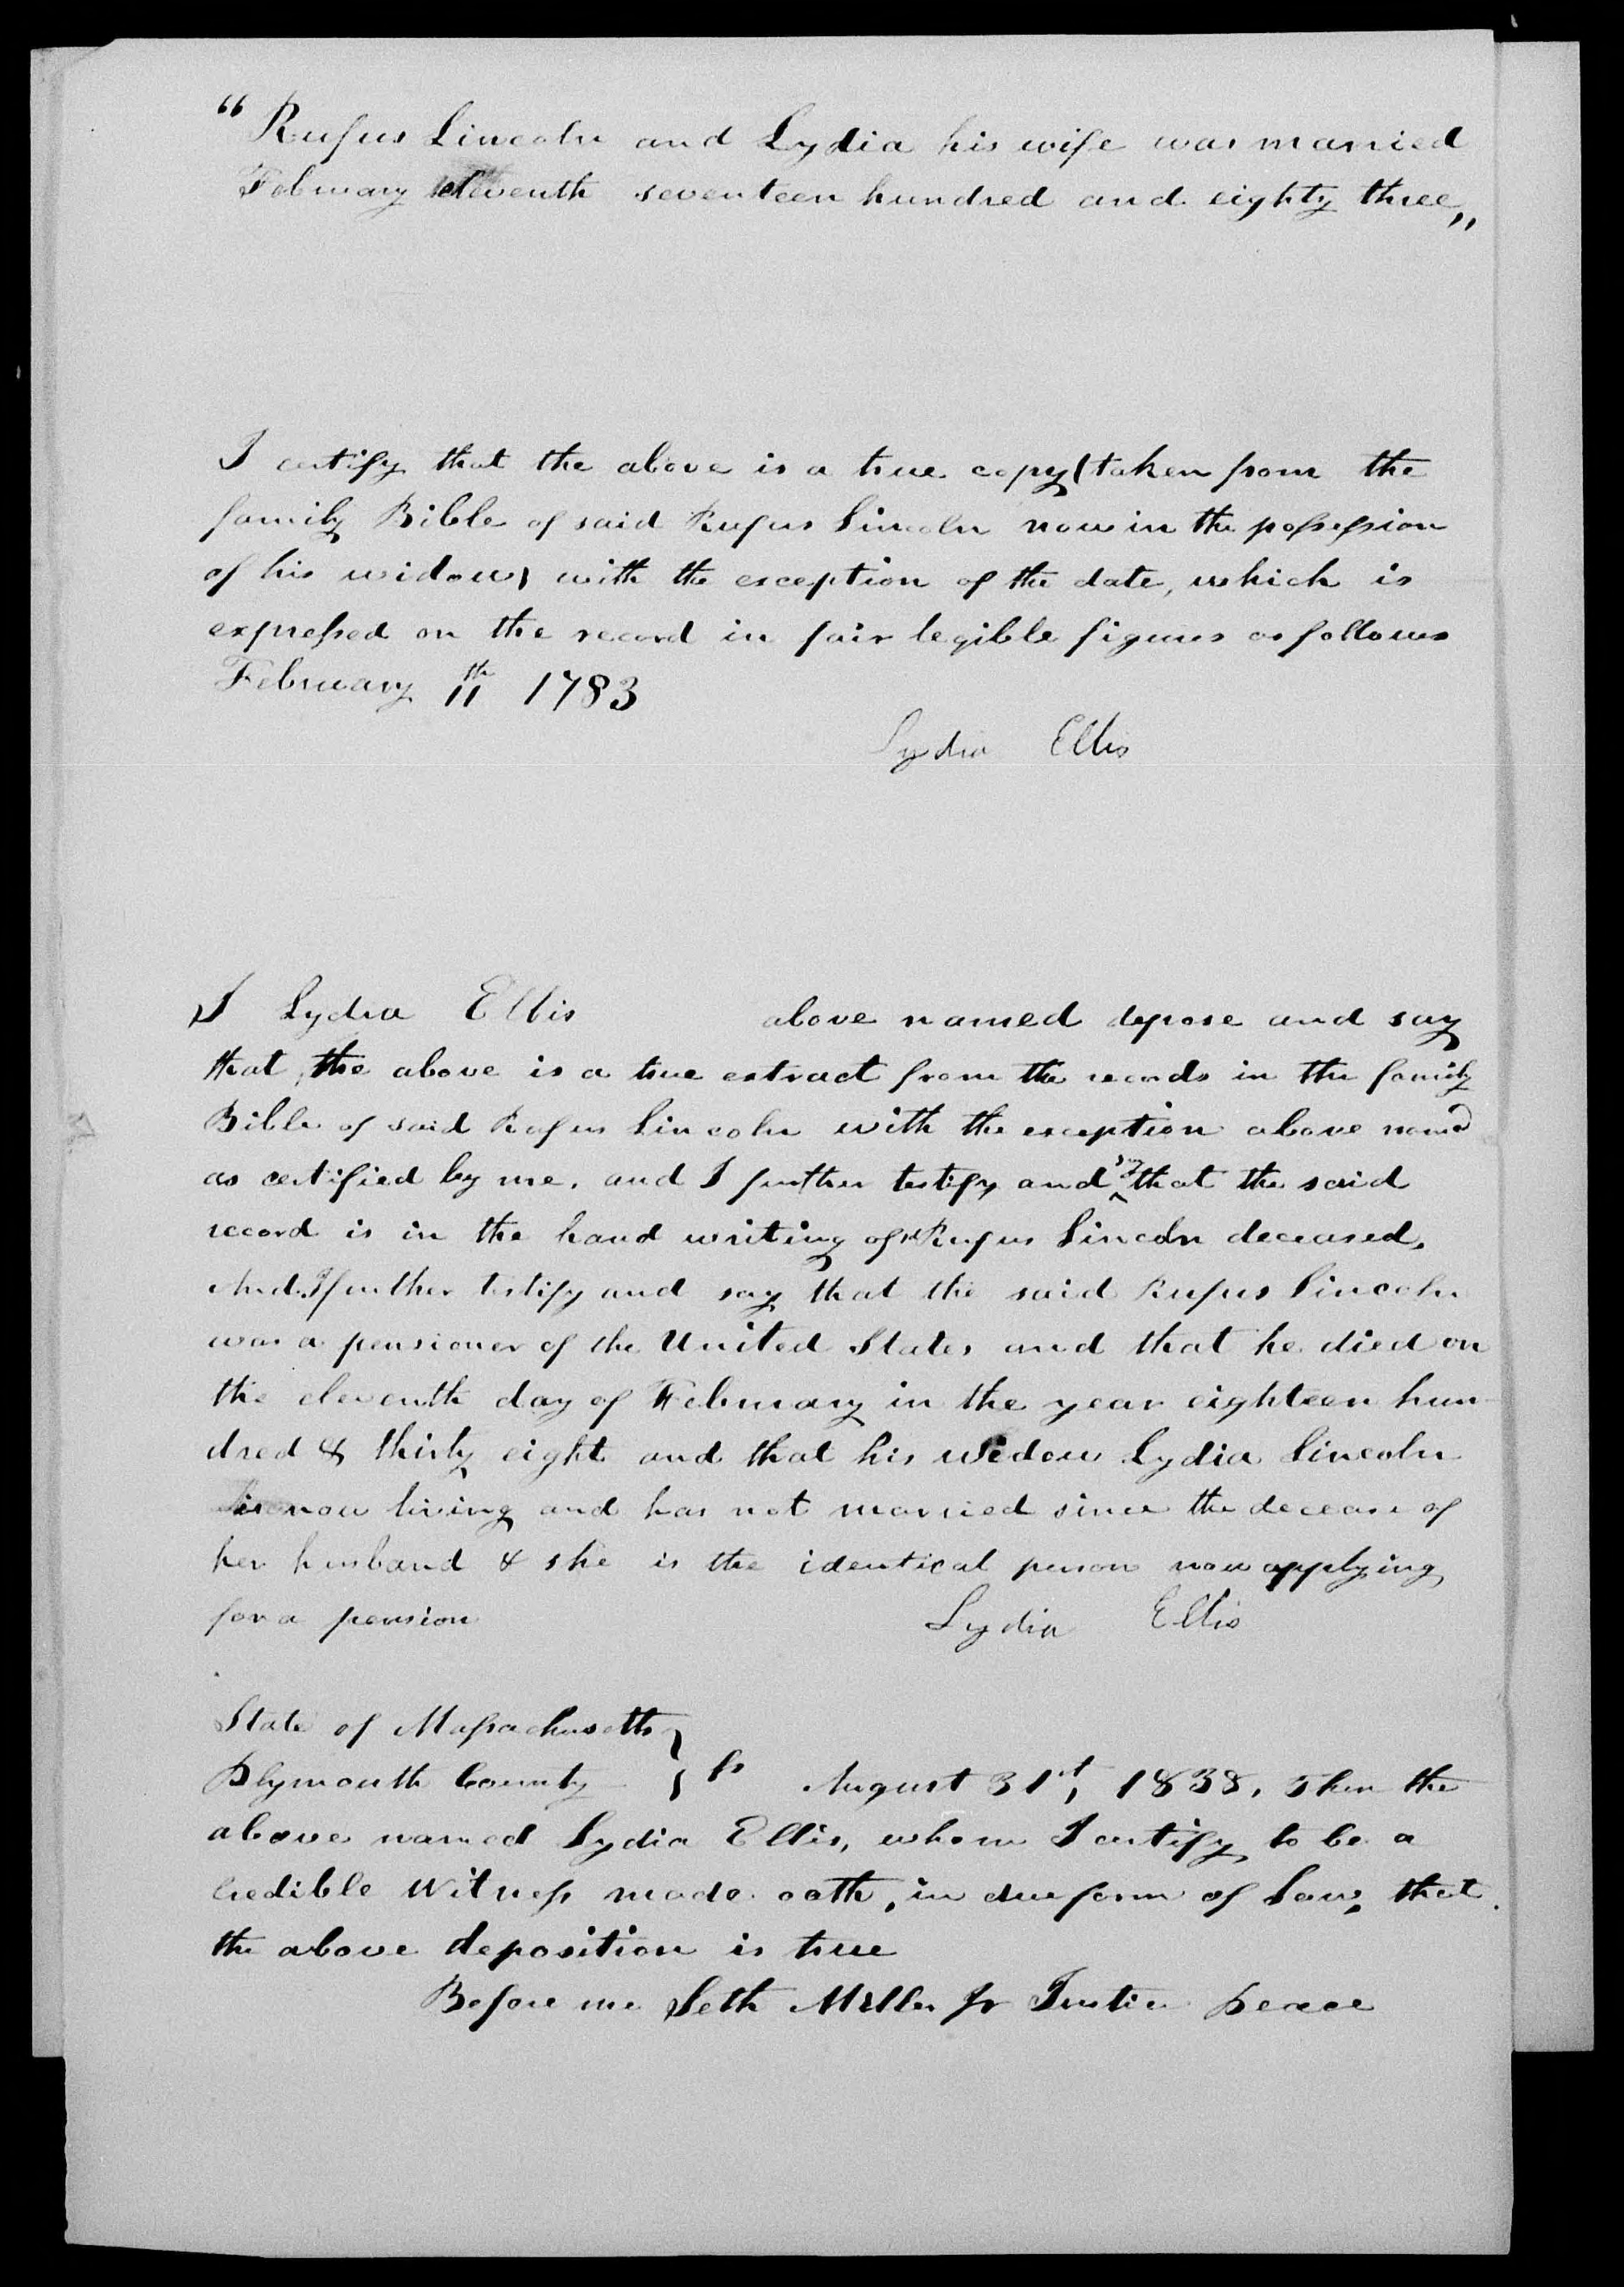"Rufus Lincoln and Lydia his wife was married
Febmary eleventh seventeen hundred and eighty three.

I certify that the above is a true copy taken from the family Bible of said Rufus Lincoln now in the possession of his widow, with the exception of the date, which is expressed on the record in fair legible figures as follows
February 11th 1783
Lydia Ellis

I Lydia Ellis above named depose and say
that the above is a true extract from the records in the family Bible of said Rufus Lincoln with the exception above named
as certified by me, and I further testify and say that the said record is in the hand writing of Rufus Lincoln deceased, which I further testify and say that the said Rufus Lincoln
was a pensioner of the United States and that he died on the eleventh day of February in the year eighteen hundred & thirty eight and that his widow Lydia Lincoln now living and has not married since the decease of her husband & she is the identical person now applying-
for a pension.                 Lydia Ellis

State of Massachusetts}
Plymouth County         } ss
August 31st 1838, then the above named Lydia Ellis, whom I certify to be a credible witness made oath in due form of law, that the above deposition is true.
Before me Seth Miller Jr  Justice Peace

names: Rufus Lincoln; Lydia Ellis; Seth Meller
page: 13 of 82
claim: widow's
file: W. 13,634, for Rufus Lincoln, Massachusetts